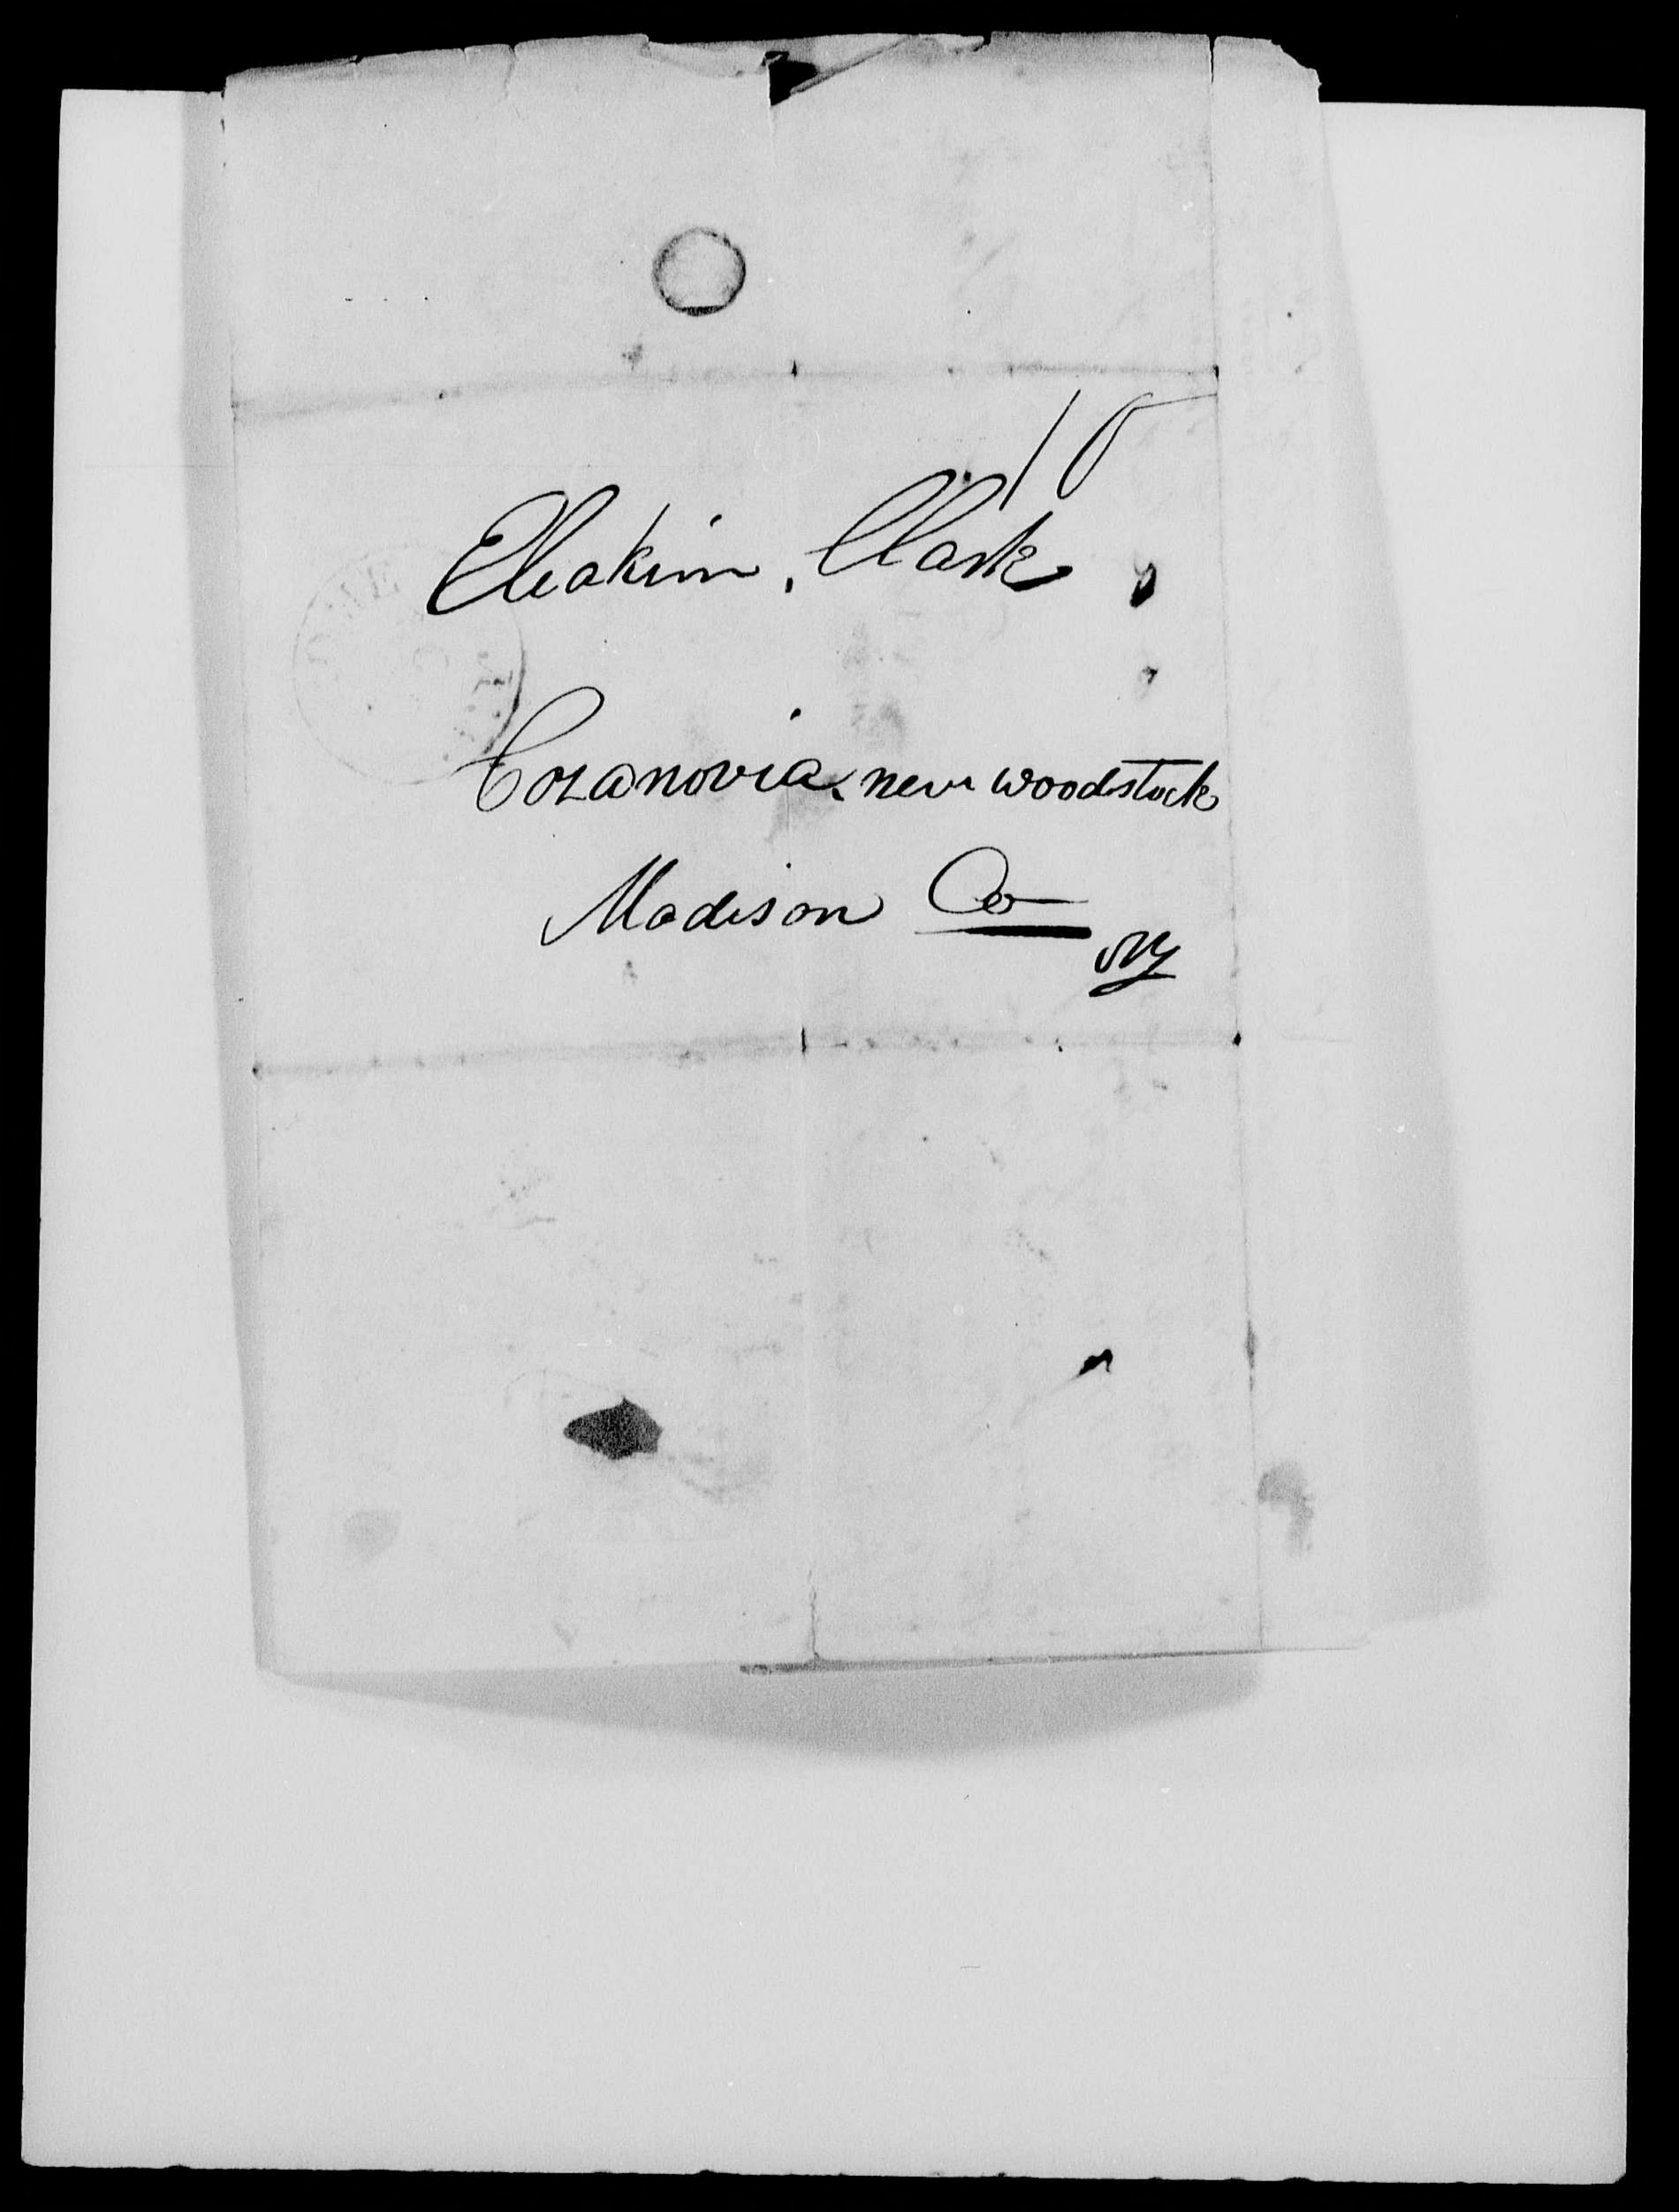[handwritten]
Eliakim Clark 
Cozanovia near Woodstock
Madison Co NY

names: Eleakim Clark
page: 5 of 51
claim: widow's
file: W. 23816, Oliver Clark, Conn.